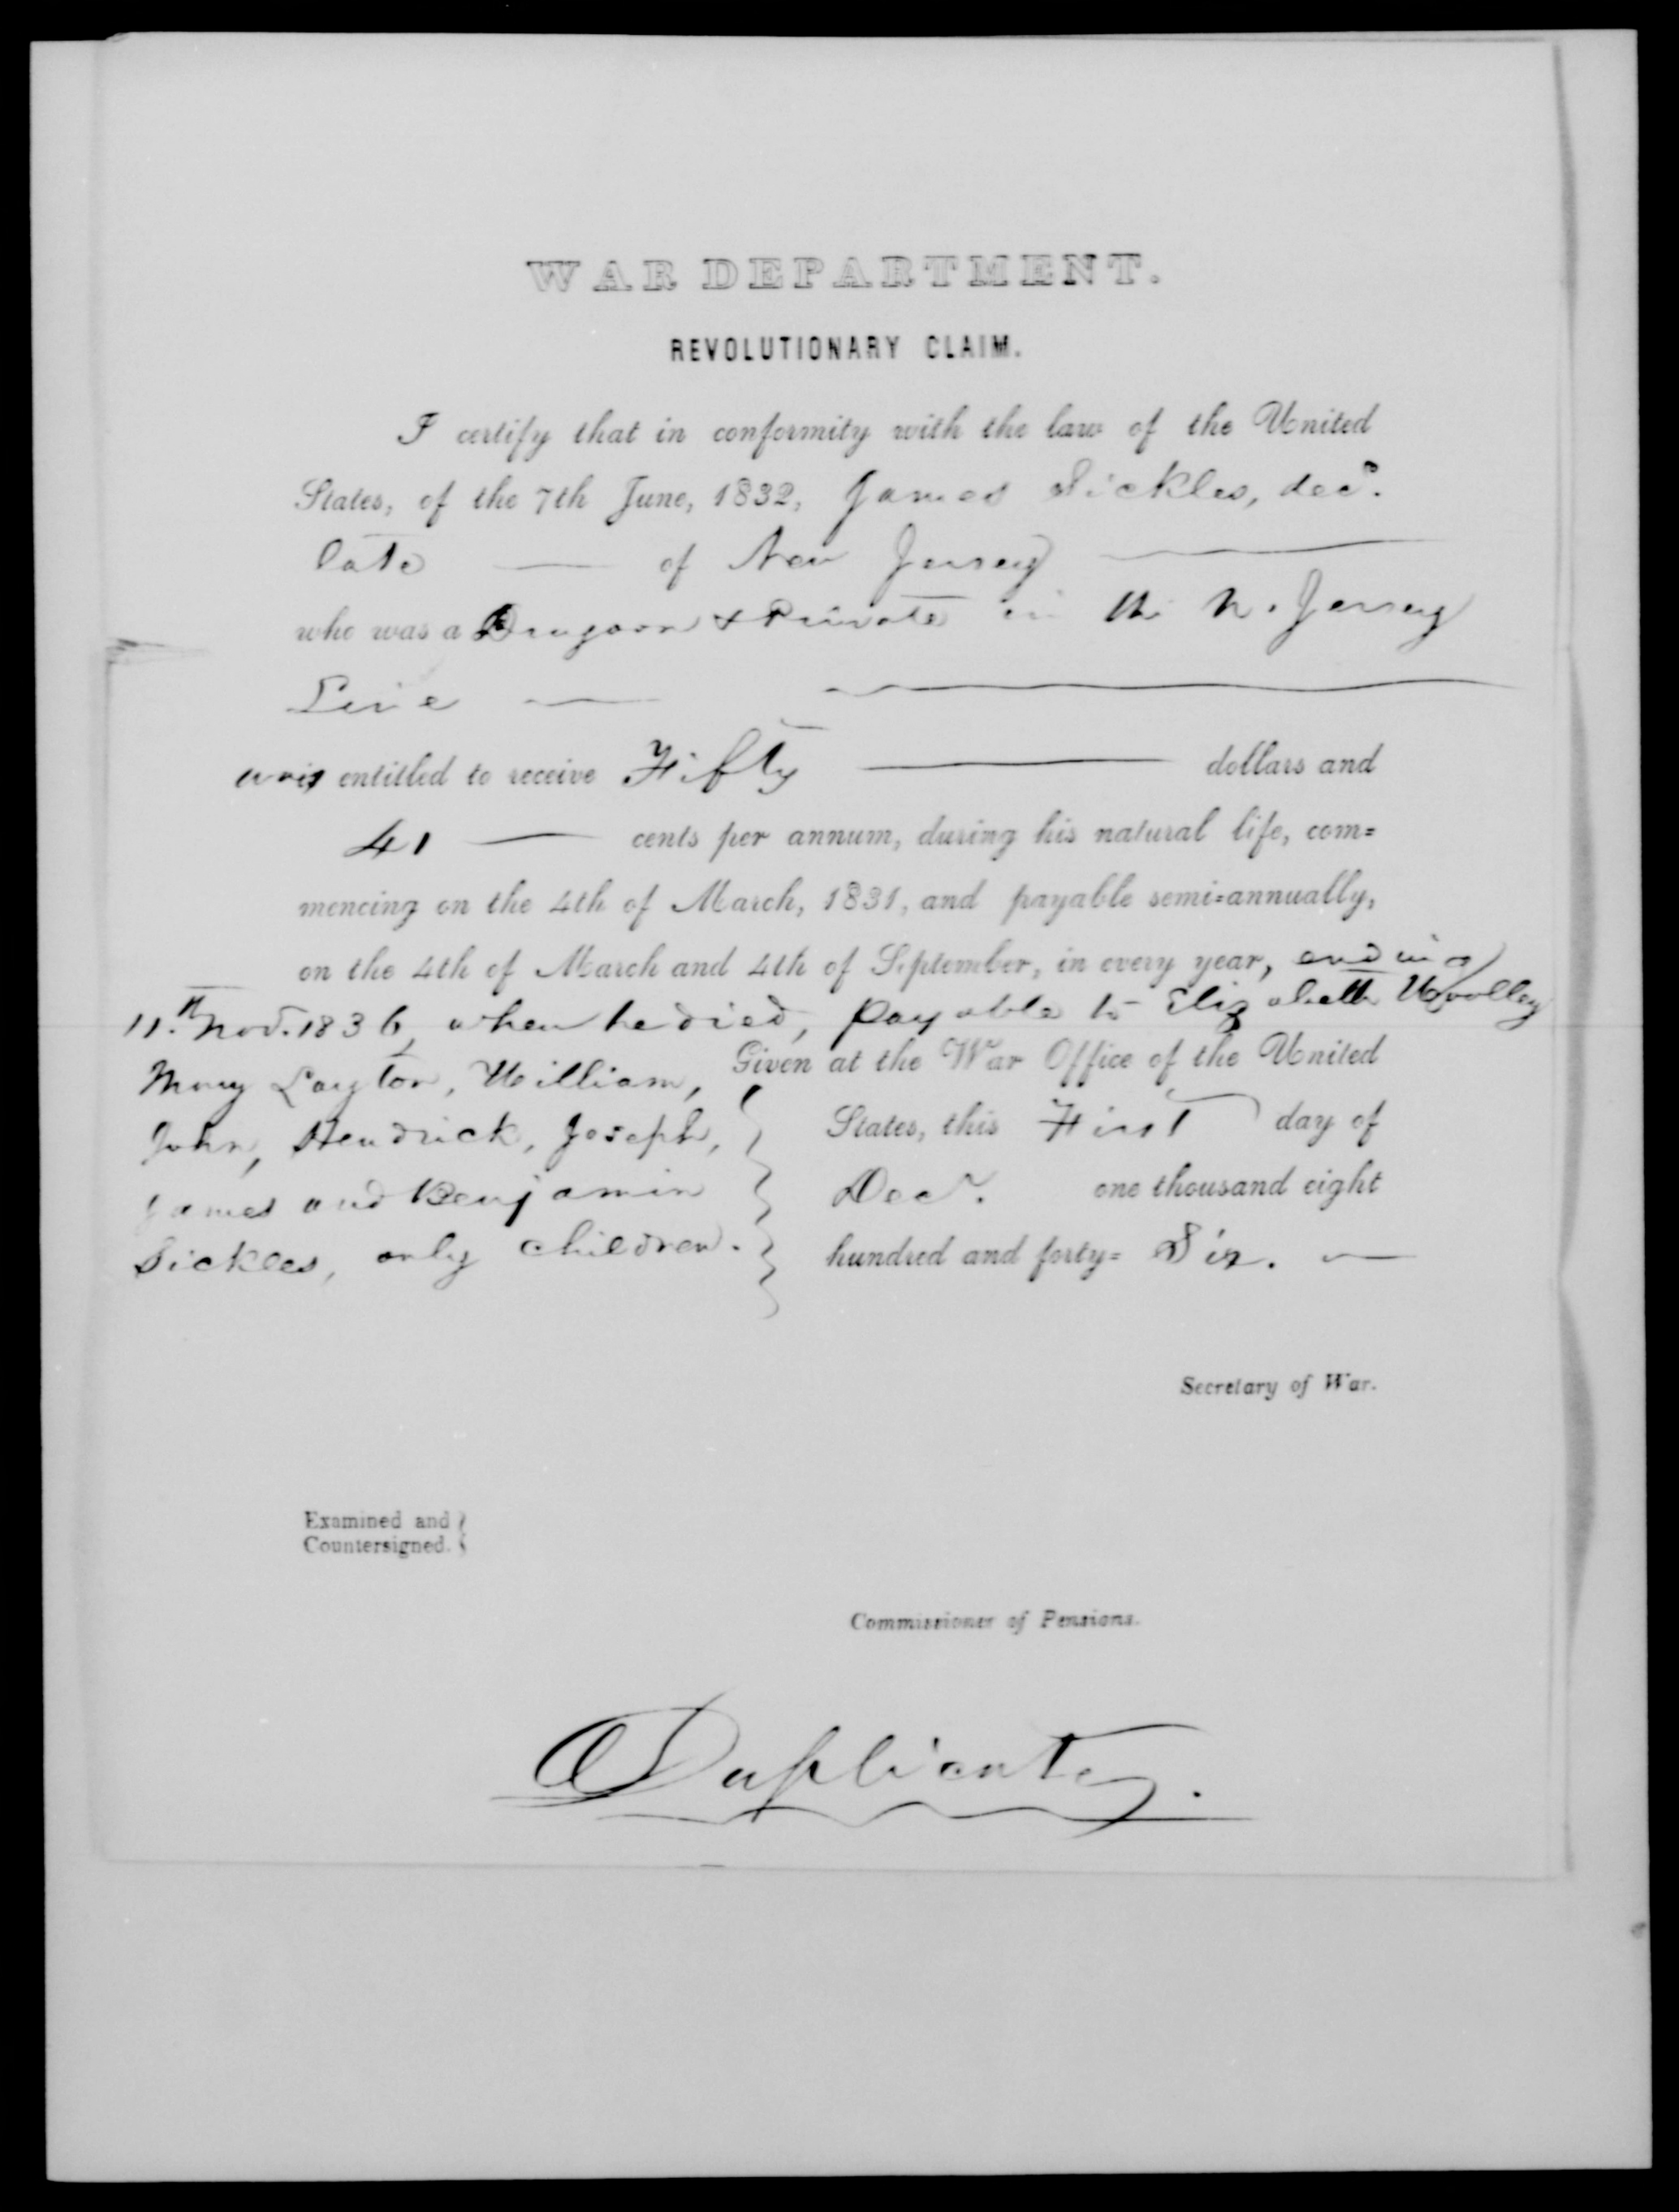WAR DEPARTMENT.
REVOLUTIONARY CLAIM.
I certify that in conformity with the law of the United States, of the 7th June, 1832, James Sickles, decd. late of New Jersey
who was a Dragoon & Private in the N. Jersey
Line
was entitled to received Fifty dollars and
41 cents per annum, during his natural life, 
commencing on the 4th of March, 1831, and 
payable semi-annually,
on the 4th of March and 4th of September, in every year, ending 11th Nov. 1835, when he died, payable to Elizabeth Woolley, Mary Layton, William} Given at the War Office of the United
John, Hendrick, Joseph} States this First day of
James and Benjamin} Decr. one thousand eight
Sickles, only children.} hundred and forty-Six.
Secretary of War.
Examined and}
Countersigned.}
Commissioner of Pensions.
Duplicate.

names: Benjamin Sickles; Hendrick Sickles; James Sickles; Joseph Sickles; Elizabeth Woolley; William Sickles; James Sickles; Mary Layton; John Sickles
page: 14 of 33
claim: survivor's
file: S. 4,841, for James Sickles, New Jersey